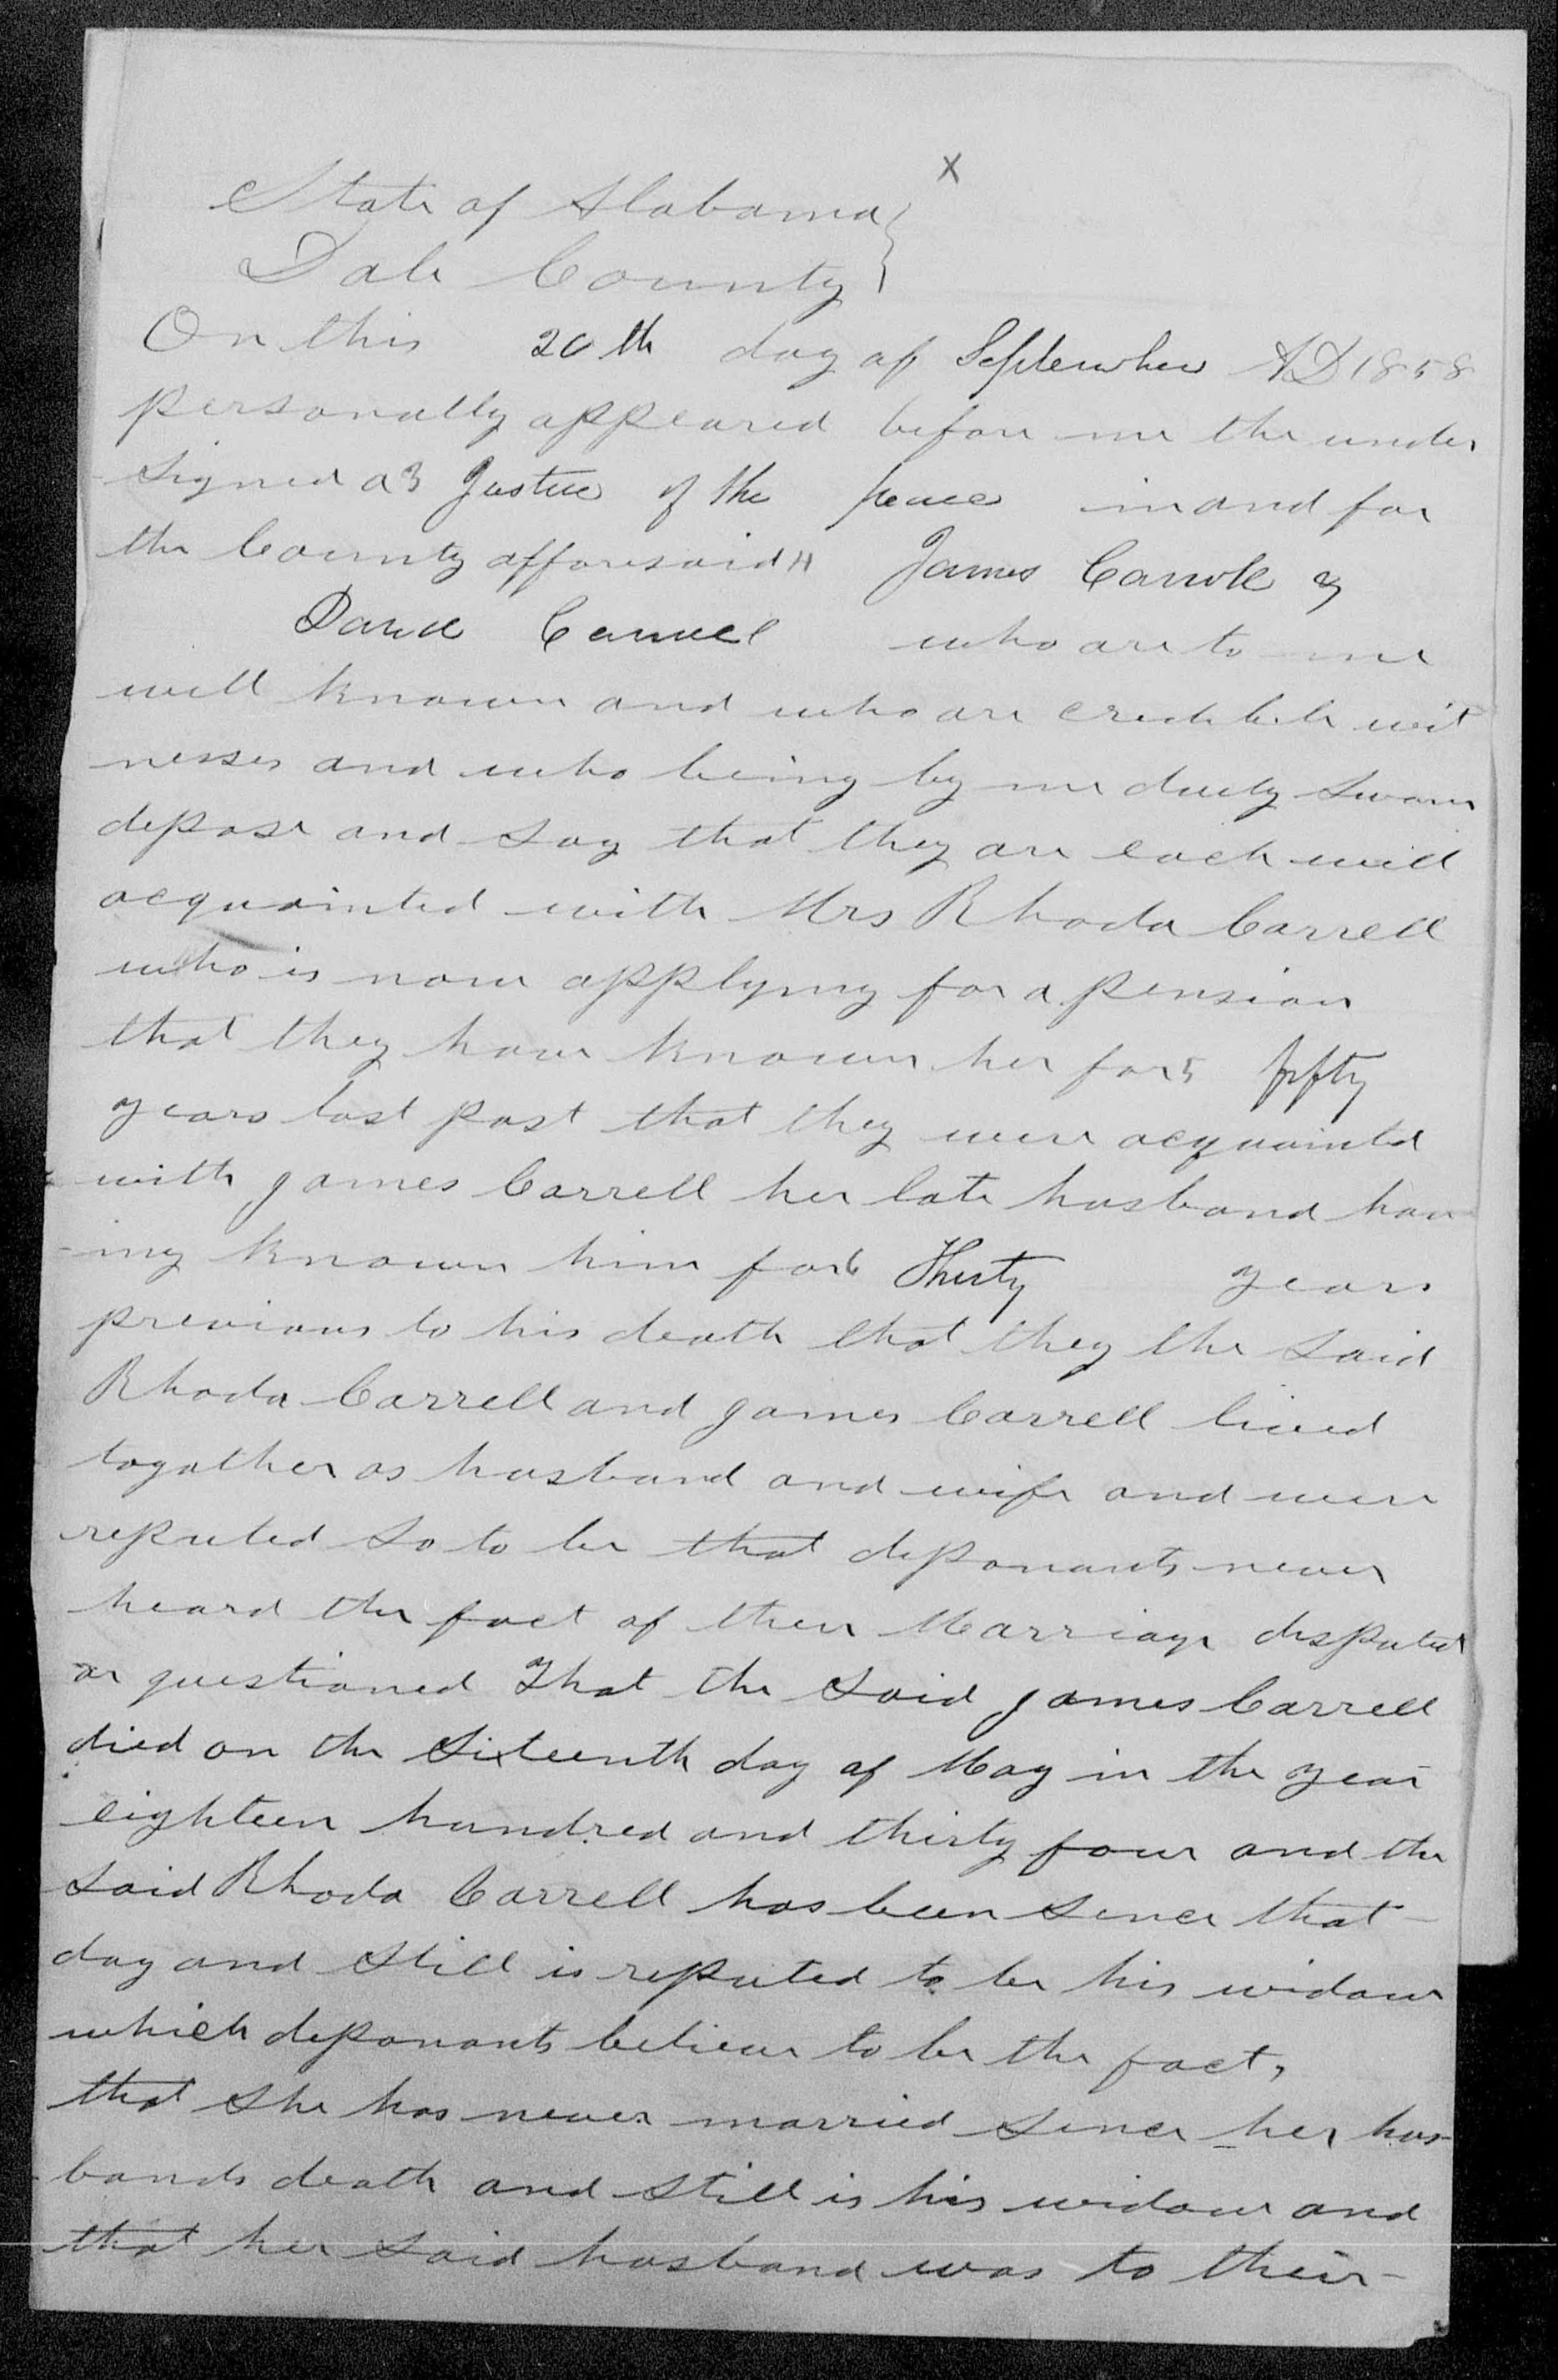State of Alabama 
Dale County }

On this 20th day of September AD 1858 personally appeared before me the under singed a Justice of the Peace in and for the county afforesaid James Carrell and David Carrell who are  to me well known and who are credible witnesses  and who being by me duly sworn depose and say that they are each well acquainted with Mrs. Rhoda Carrell who is now applying for a pension that they have known her for fifty years last past that they were acquainted with James Carrell her late husband having known him for thirty years previous to his death that they the said Rhoda Carrell and James Carrell lived together as husband and wife and were reputed so to be that deponents never heard the fact of their marriage disputed or questioned. That the said James Carrell died on the sixteenth of May in the year eighteen  hundred and thirty four and the said Rhoda Carrell has been since that day and still is reputed to be his widow which deponents believe to be the fact, that she has never married since here husbands death and still is his widow and that her said husband was to their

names: James Carrell, James Carroll, James Carrell, Rhoda Carrell, Rhoda Carrell, David Carrell, James Carrell, Rhoda Carrell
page: 38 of 86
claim: widow's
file: W. 6899, James Carrell, N.C.